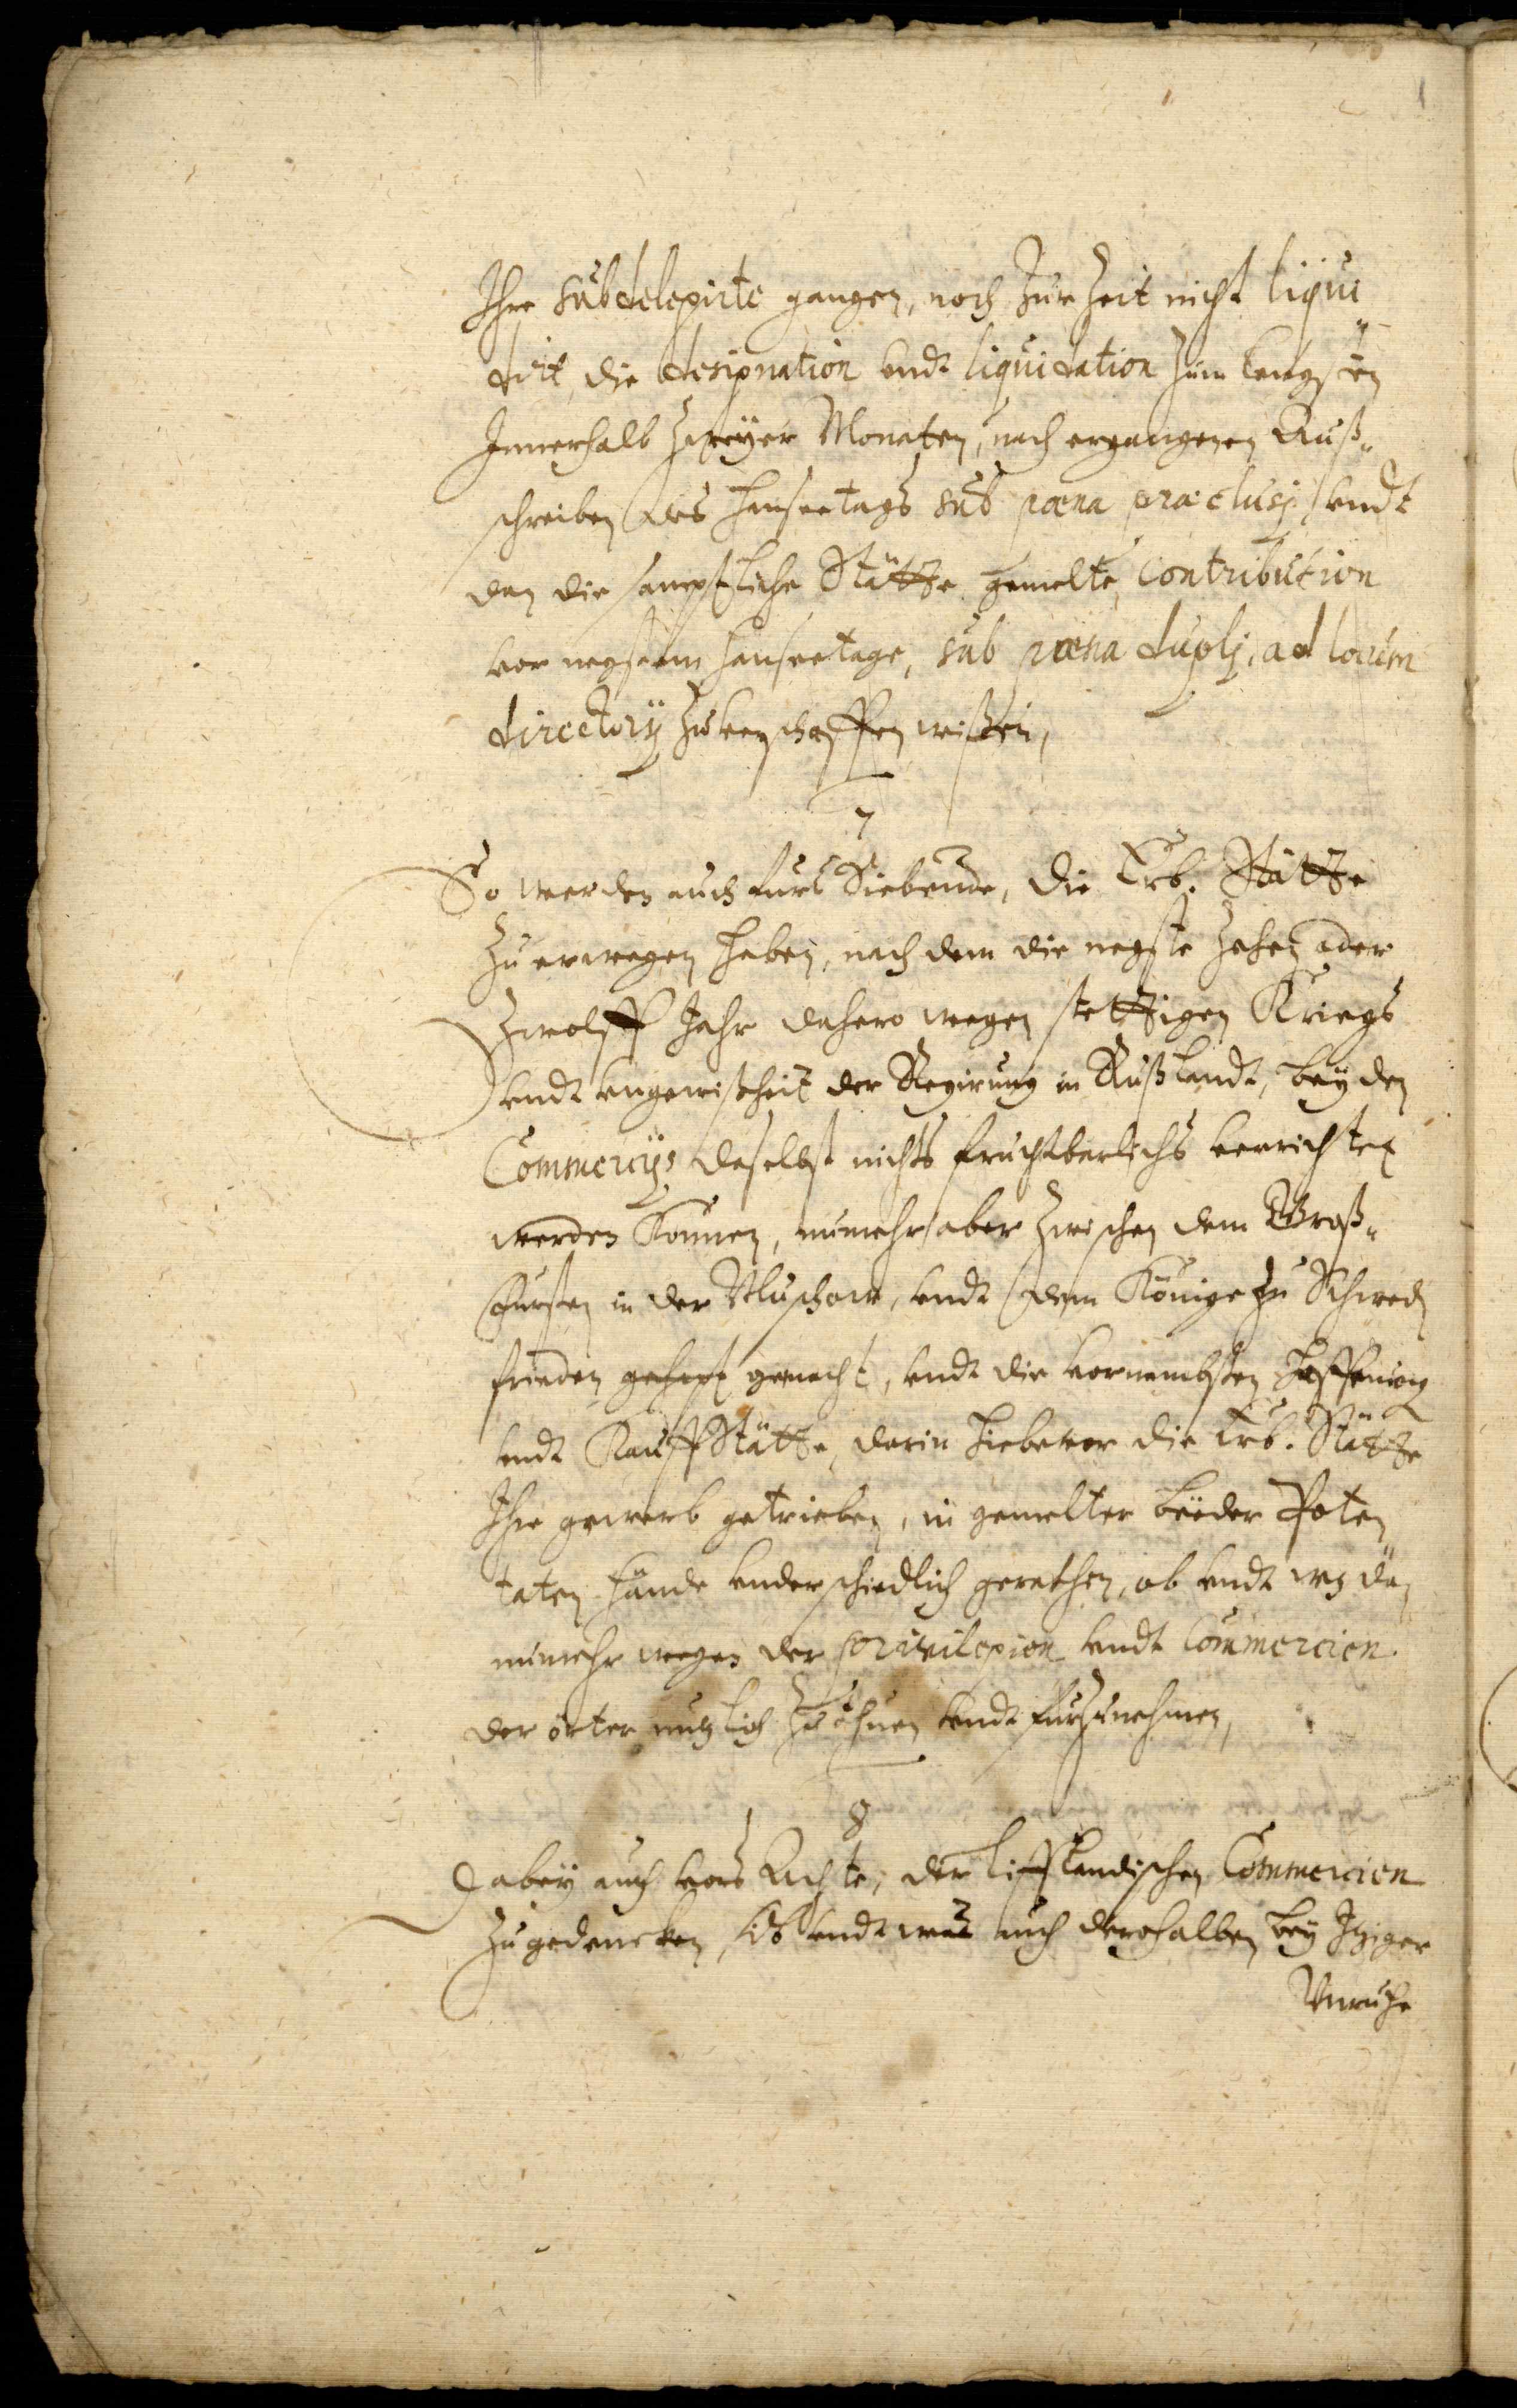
Ihre subdelogirte gangen, noch zur zeit nicht liqui¬
dirt, die designation vndt liquidation zum lengsten
innerhalb Zweijer Monaten, nach ergangegen Auß¬
schreiben des hanseetags sub pœna præclusj vndt
dan die samptliche Stätte gemelte contribution
vor negstem hanseetage, sub pœna dupli, ad locum
directorij zu verschaffen wißen,
7
So werden auch furs Siebende, Die Erb. Stätte
zu erwegen haben, nach dem die negste Zehen oder
Zwolff Iahr dahero wegen stettigen Kriegs
vndt vngewißheit der Regirung in Rußlandt, beij den
Commercijs daselbst nichts fruchtbarlichs verrichtet
werden konnen, numehr aber zwischen dem Groß¬
fursten in der Muschow, vndt dem Könige Zu Schweden
frieden gehapt gemacht, vndt die vornembsten hoffenungen
vndt KauffStätte, darin hiebevor die Erb. Stätte
Ihre gewerb getrieben, in gemelter beider Poten¬
taten hände underschiedlich gerathen, ob vndt wz da
numehr wegen der Privilegien vndt Commercien
der örter nutzlich zu thuen vndt furzunehmen,
8
dabeij auch vors Achte, der Lifflandischen Commercien
Zu gedencken, Ob vndt was auch derohalben beij itziger
Vnruhe
